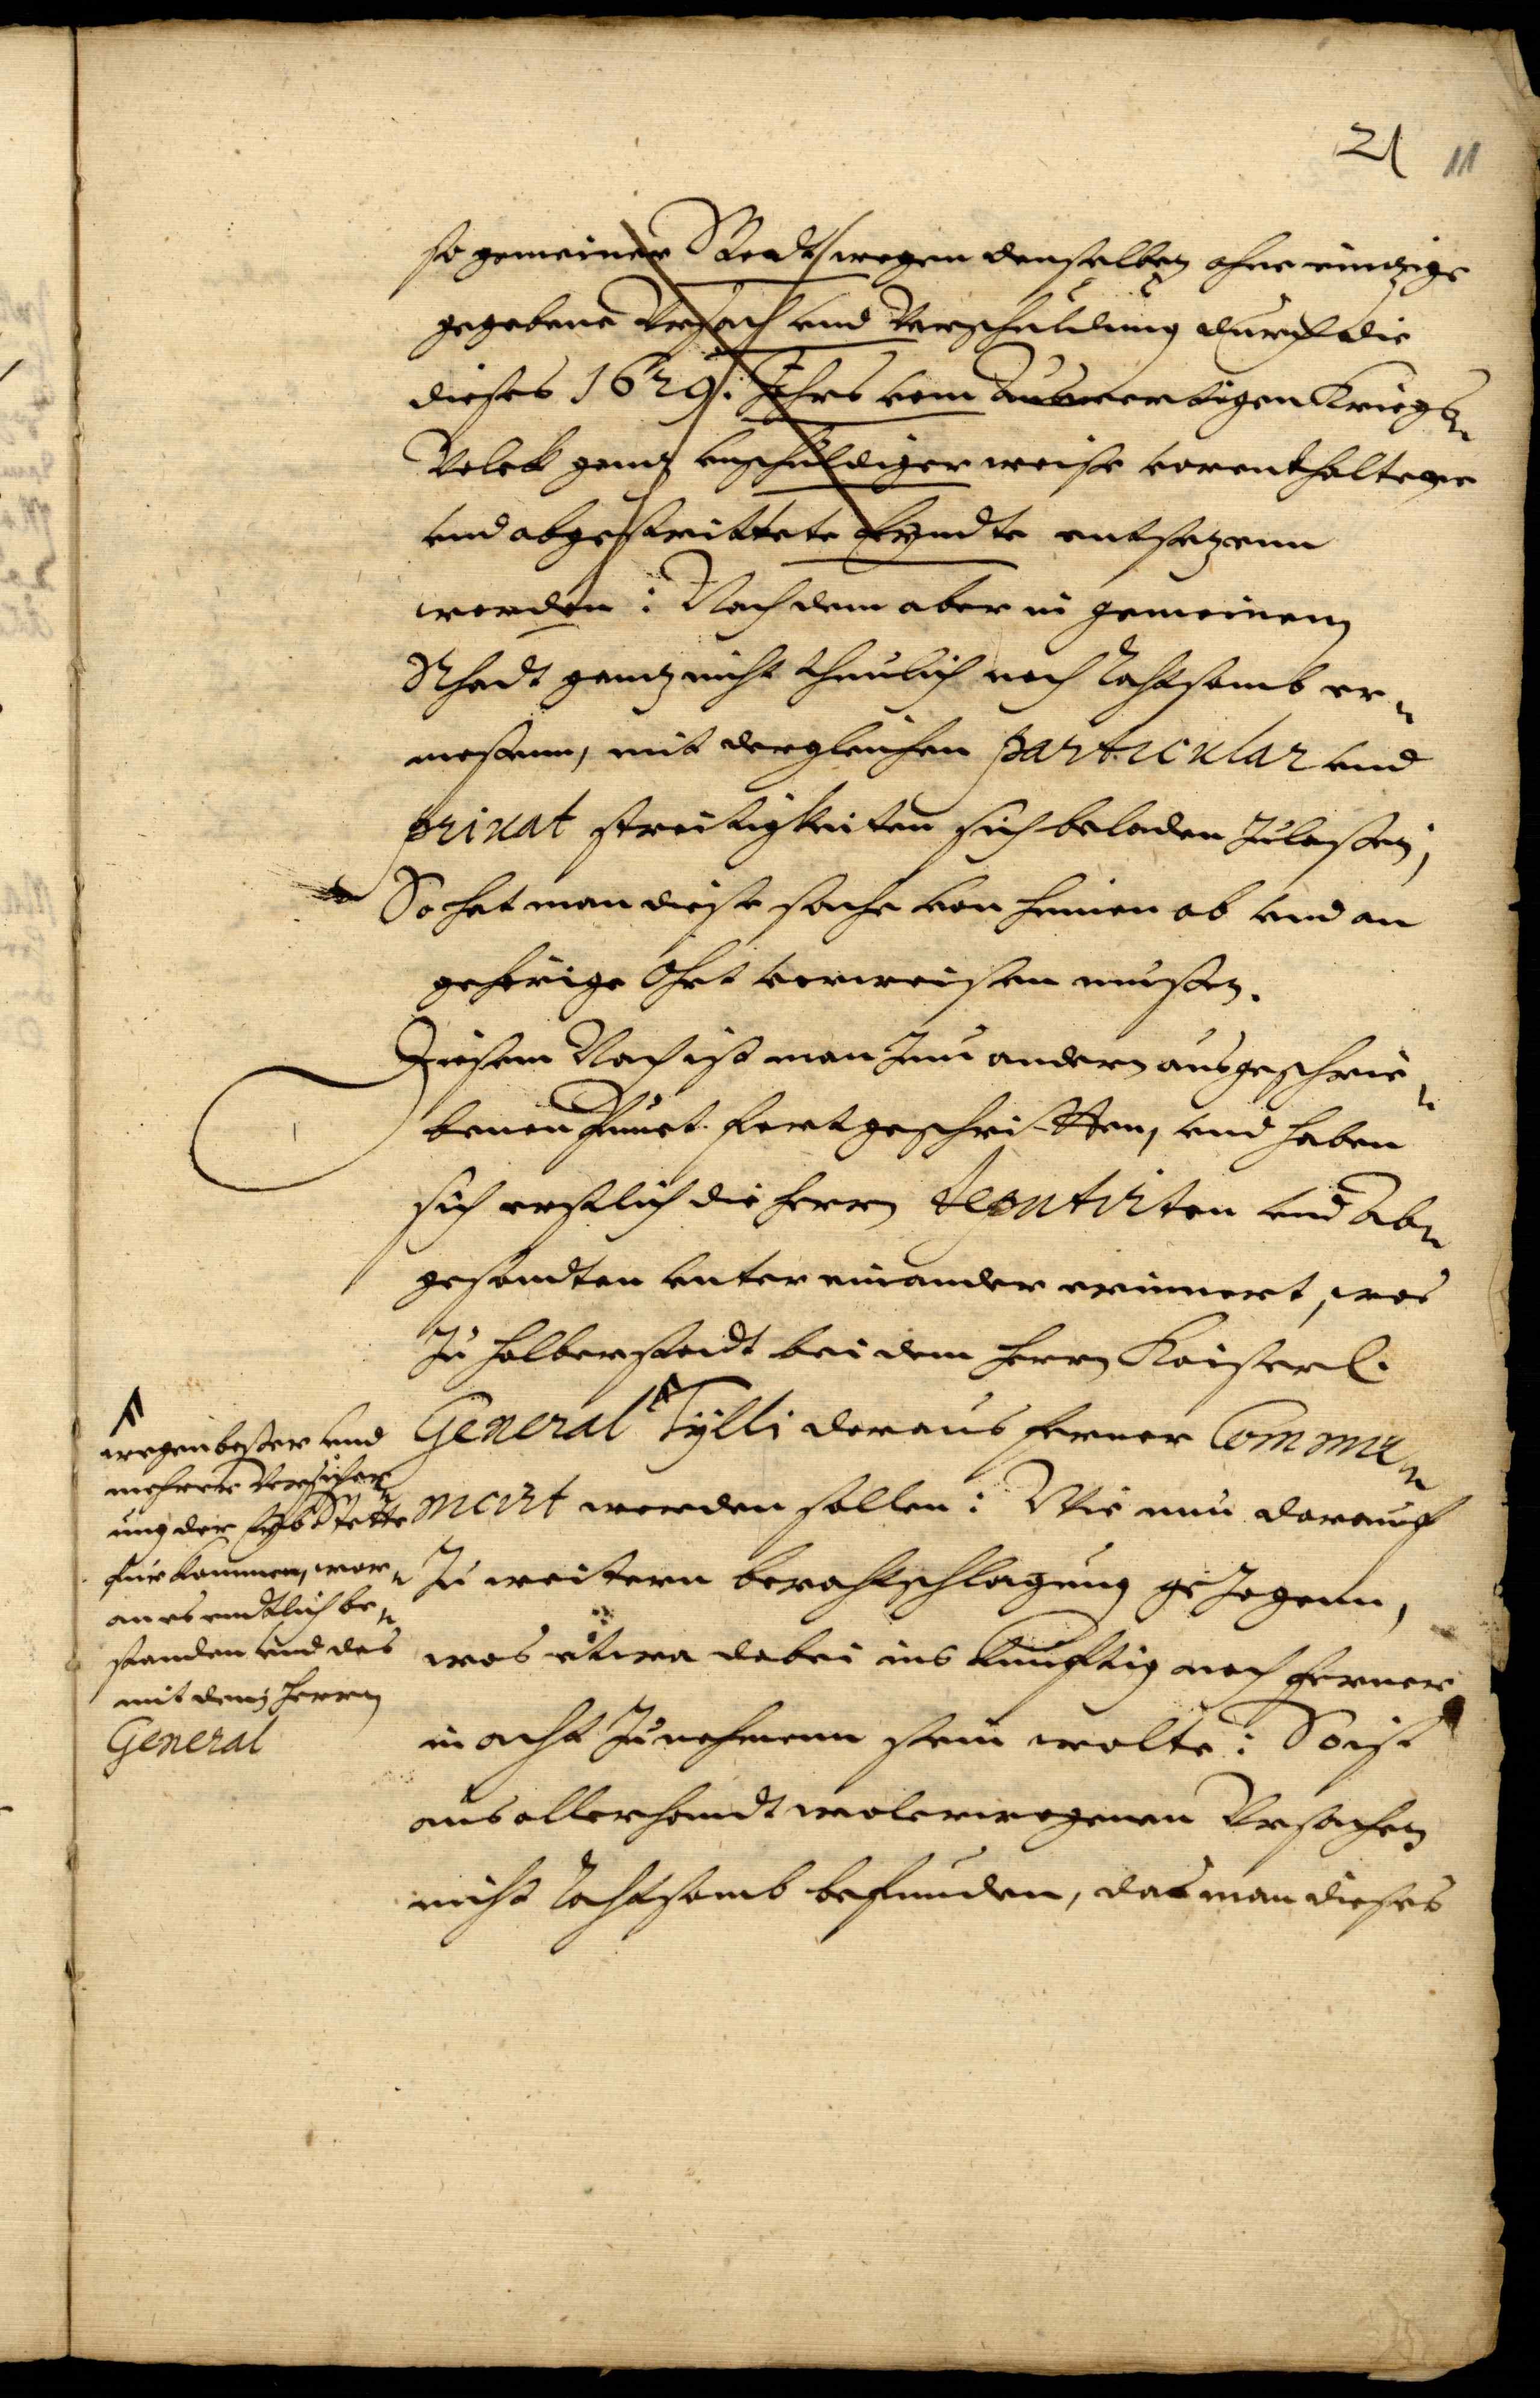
21
wegen bester vnd
mehrer Versicher¬
ung der Erb: Stette
fur kommen, wor¬
an es endtlich be¬
standen vnd das
mit dem herrn
General
so gemeiner Stedt wegen denselben ohne eintzigs
gegebene Vrsach vnd Verschuldung durch die
dieses 1629. Jahrs vom Auswertigen Kriegs¬
volck gantz vnschuldiger weise vorenthaltege
vnd abgestrittete Erndte entsetzenn
worden: Nach dem aber in gemeinem
Rhadt gantz nicht thunlich nach Rahtsamb er¬
meßenn, mit dergleichen particular vnd
privat streitigkeiten sich beladen zu laßen;
So hat man diese sache von hinne ob vnd an
gehorige Ohrt vorweisen mußen.
Diesem Nach ist man zum andern aus geschrie¬
benen Punct fortgeschritten, vnd haben
sich erstlich die herrn deputirten vnd Ab¬
gesandten vnter einander erinnert, was
zu halberstadt bei dem herrn Kaiserl.
General Tijlli daraus ferner Commu¬
nicirt worden solten: Wie nun darauf
zu weitern berahtschlagung gezogenn,
was etwa dabei ins Kunftig nach ferner
in acht zu nehmen sein wolte: So ist
aus allerhandt wolerwegenen Vrsachen
nicht Rahtsamb befunden, das man dieses
